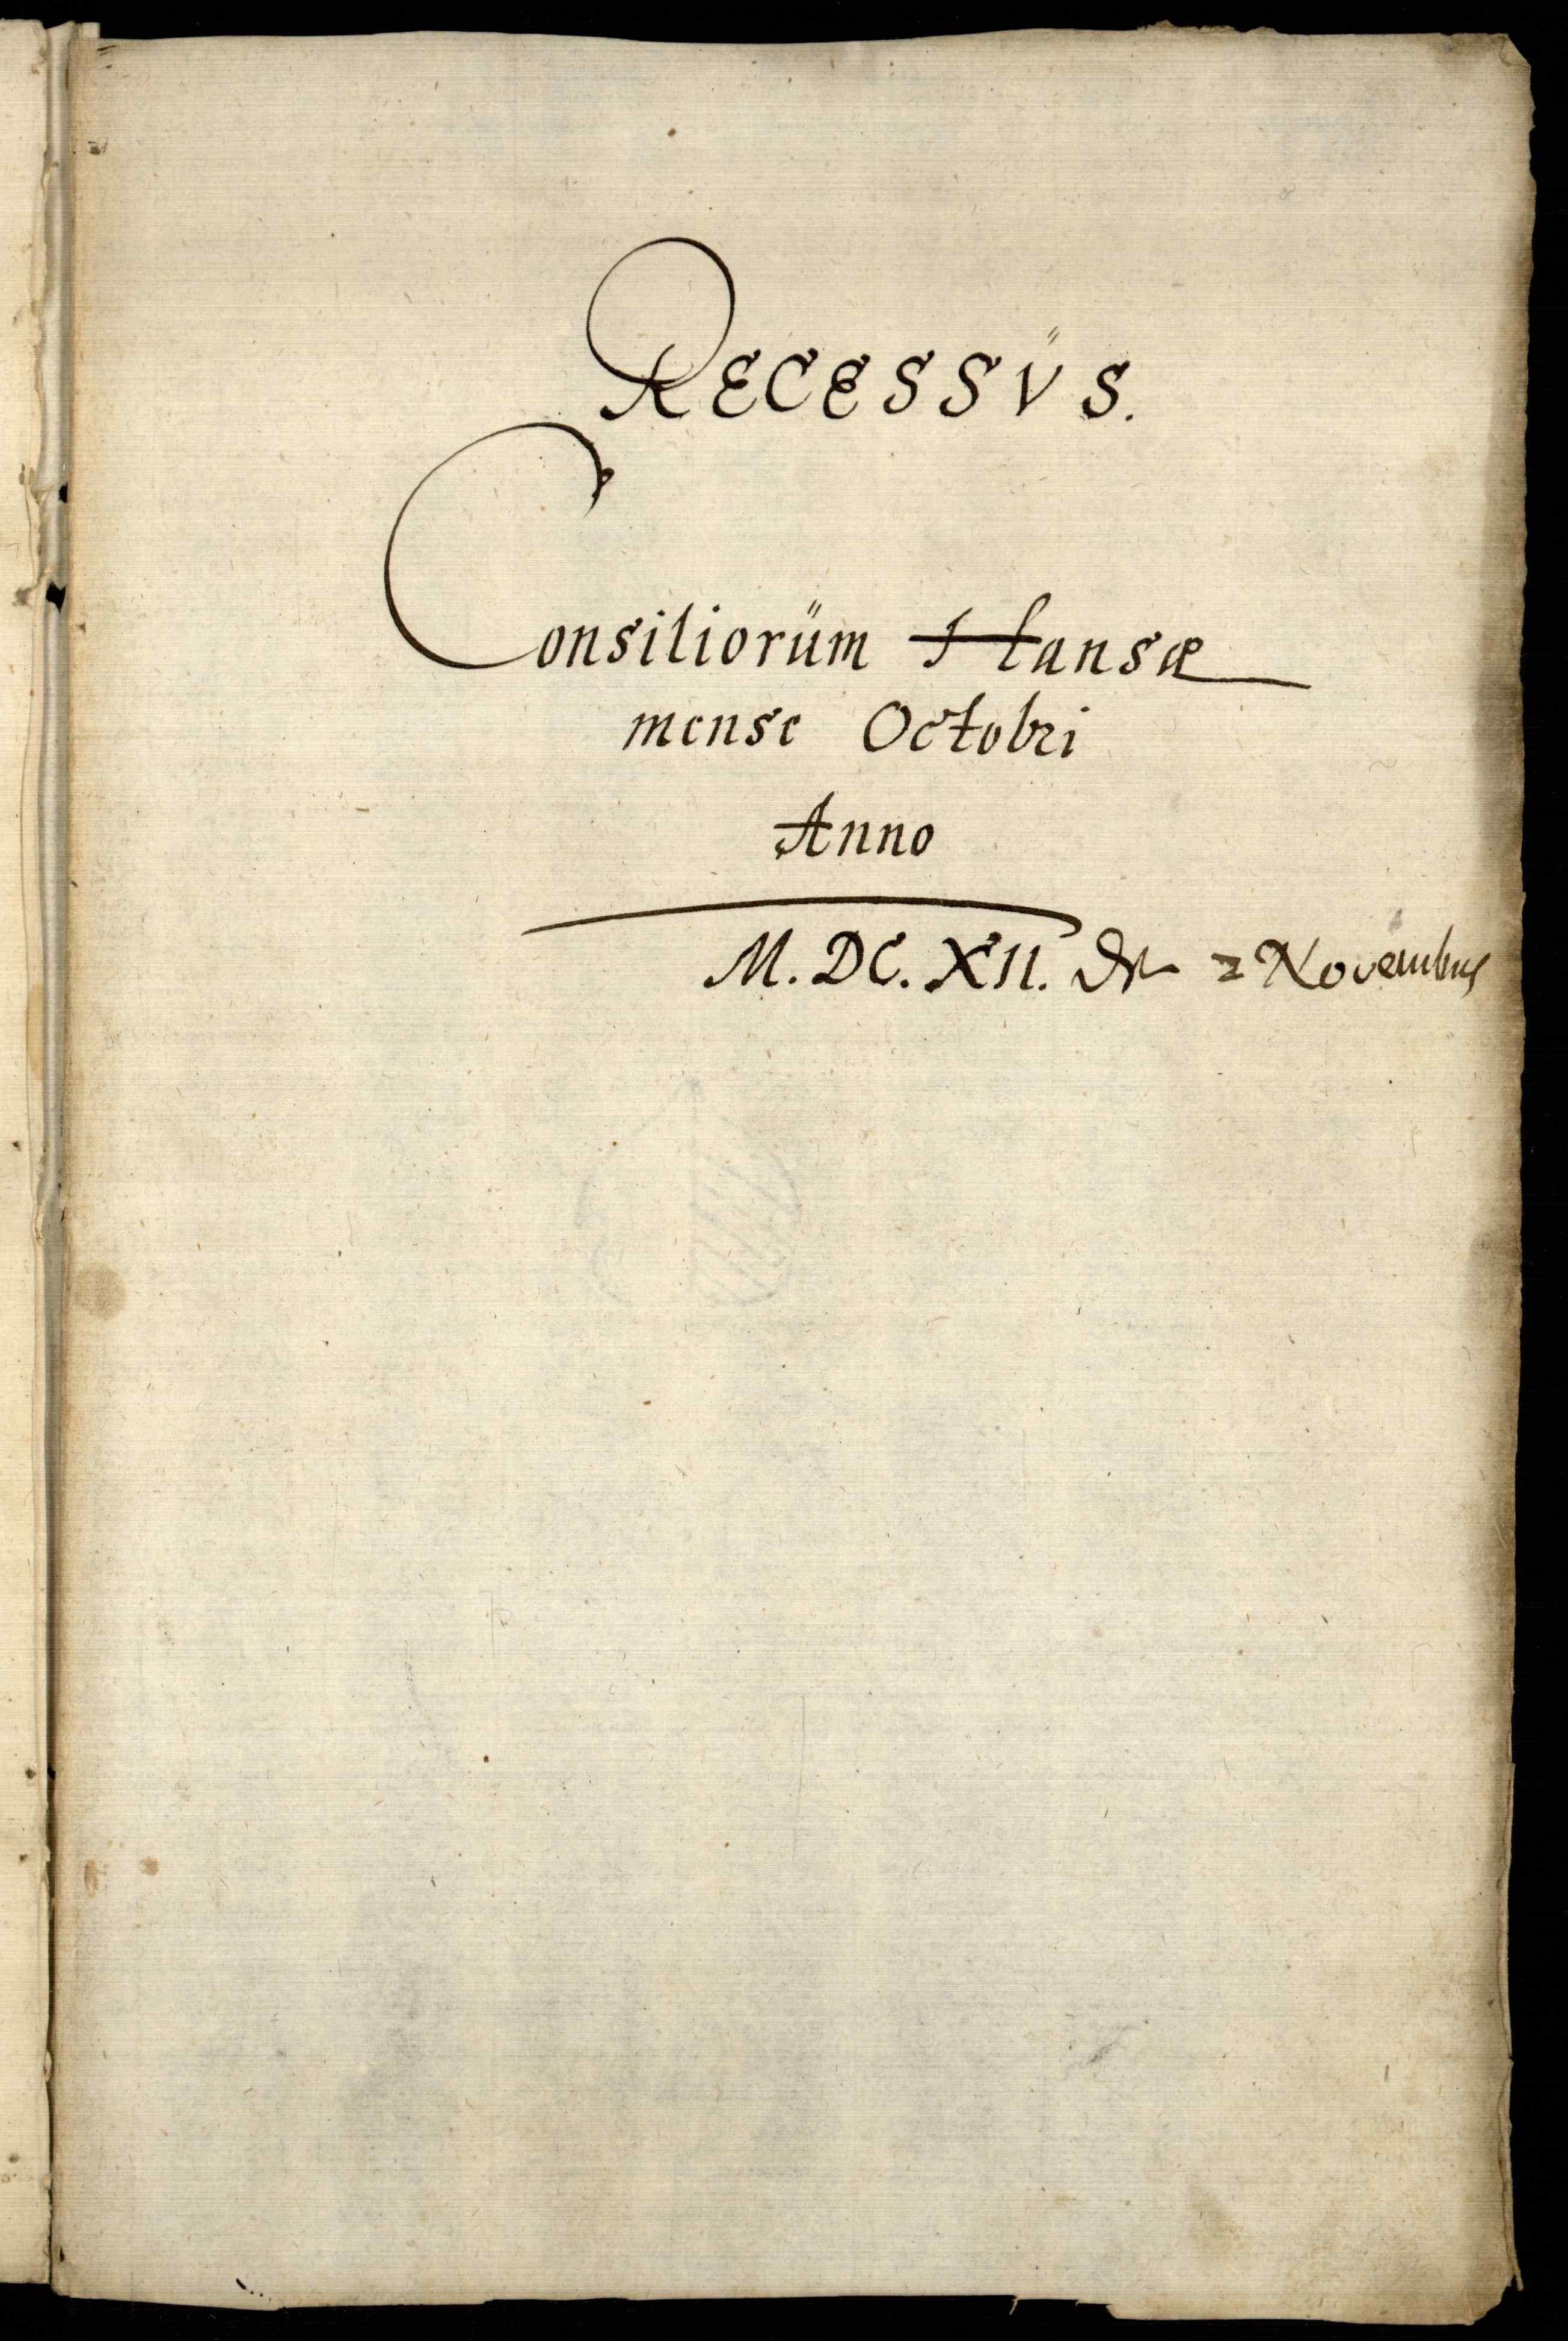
RECESSVS.
Consiliorum Hansae
mense Octobri
Anno
M.DC.XII. den 2 Novembris
